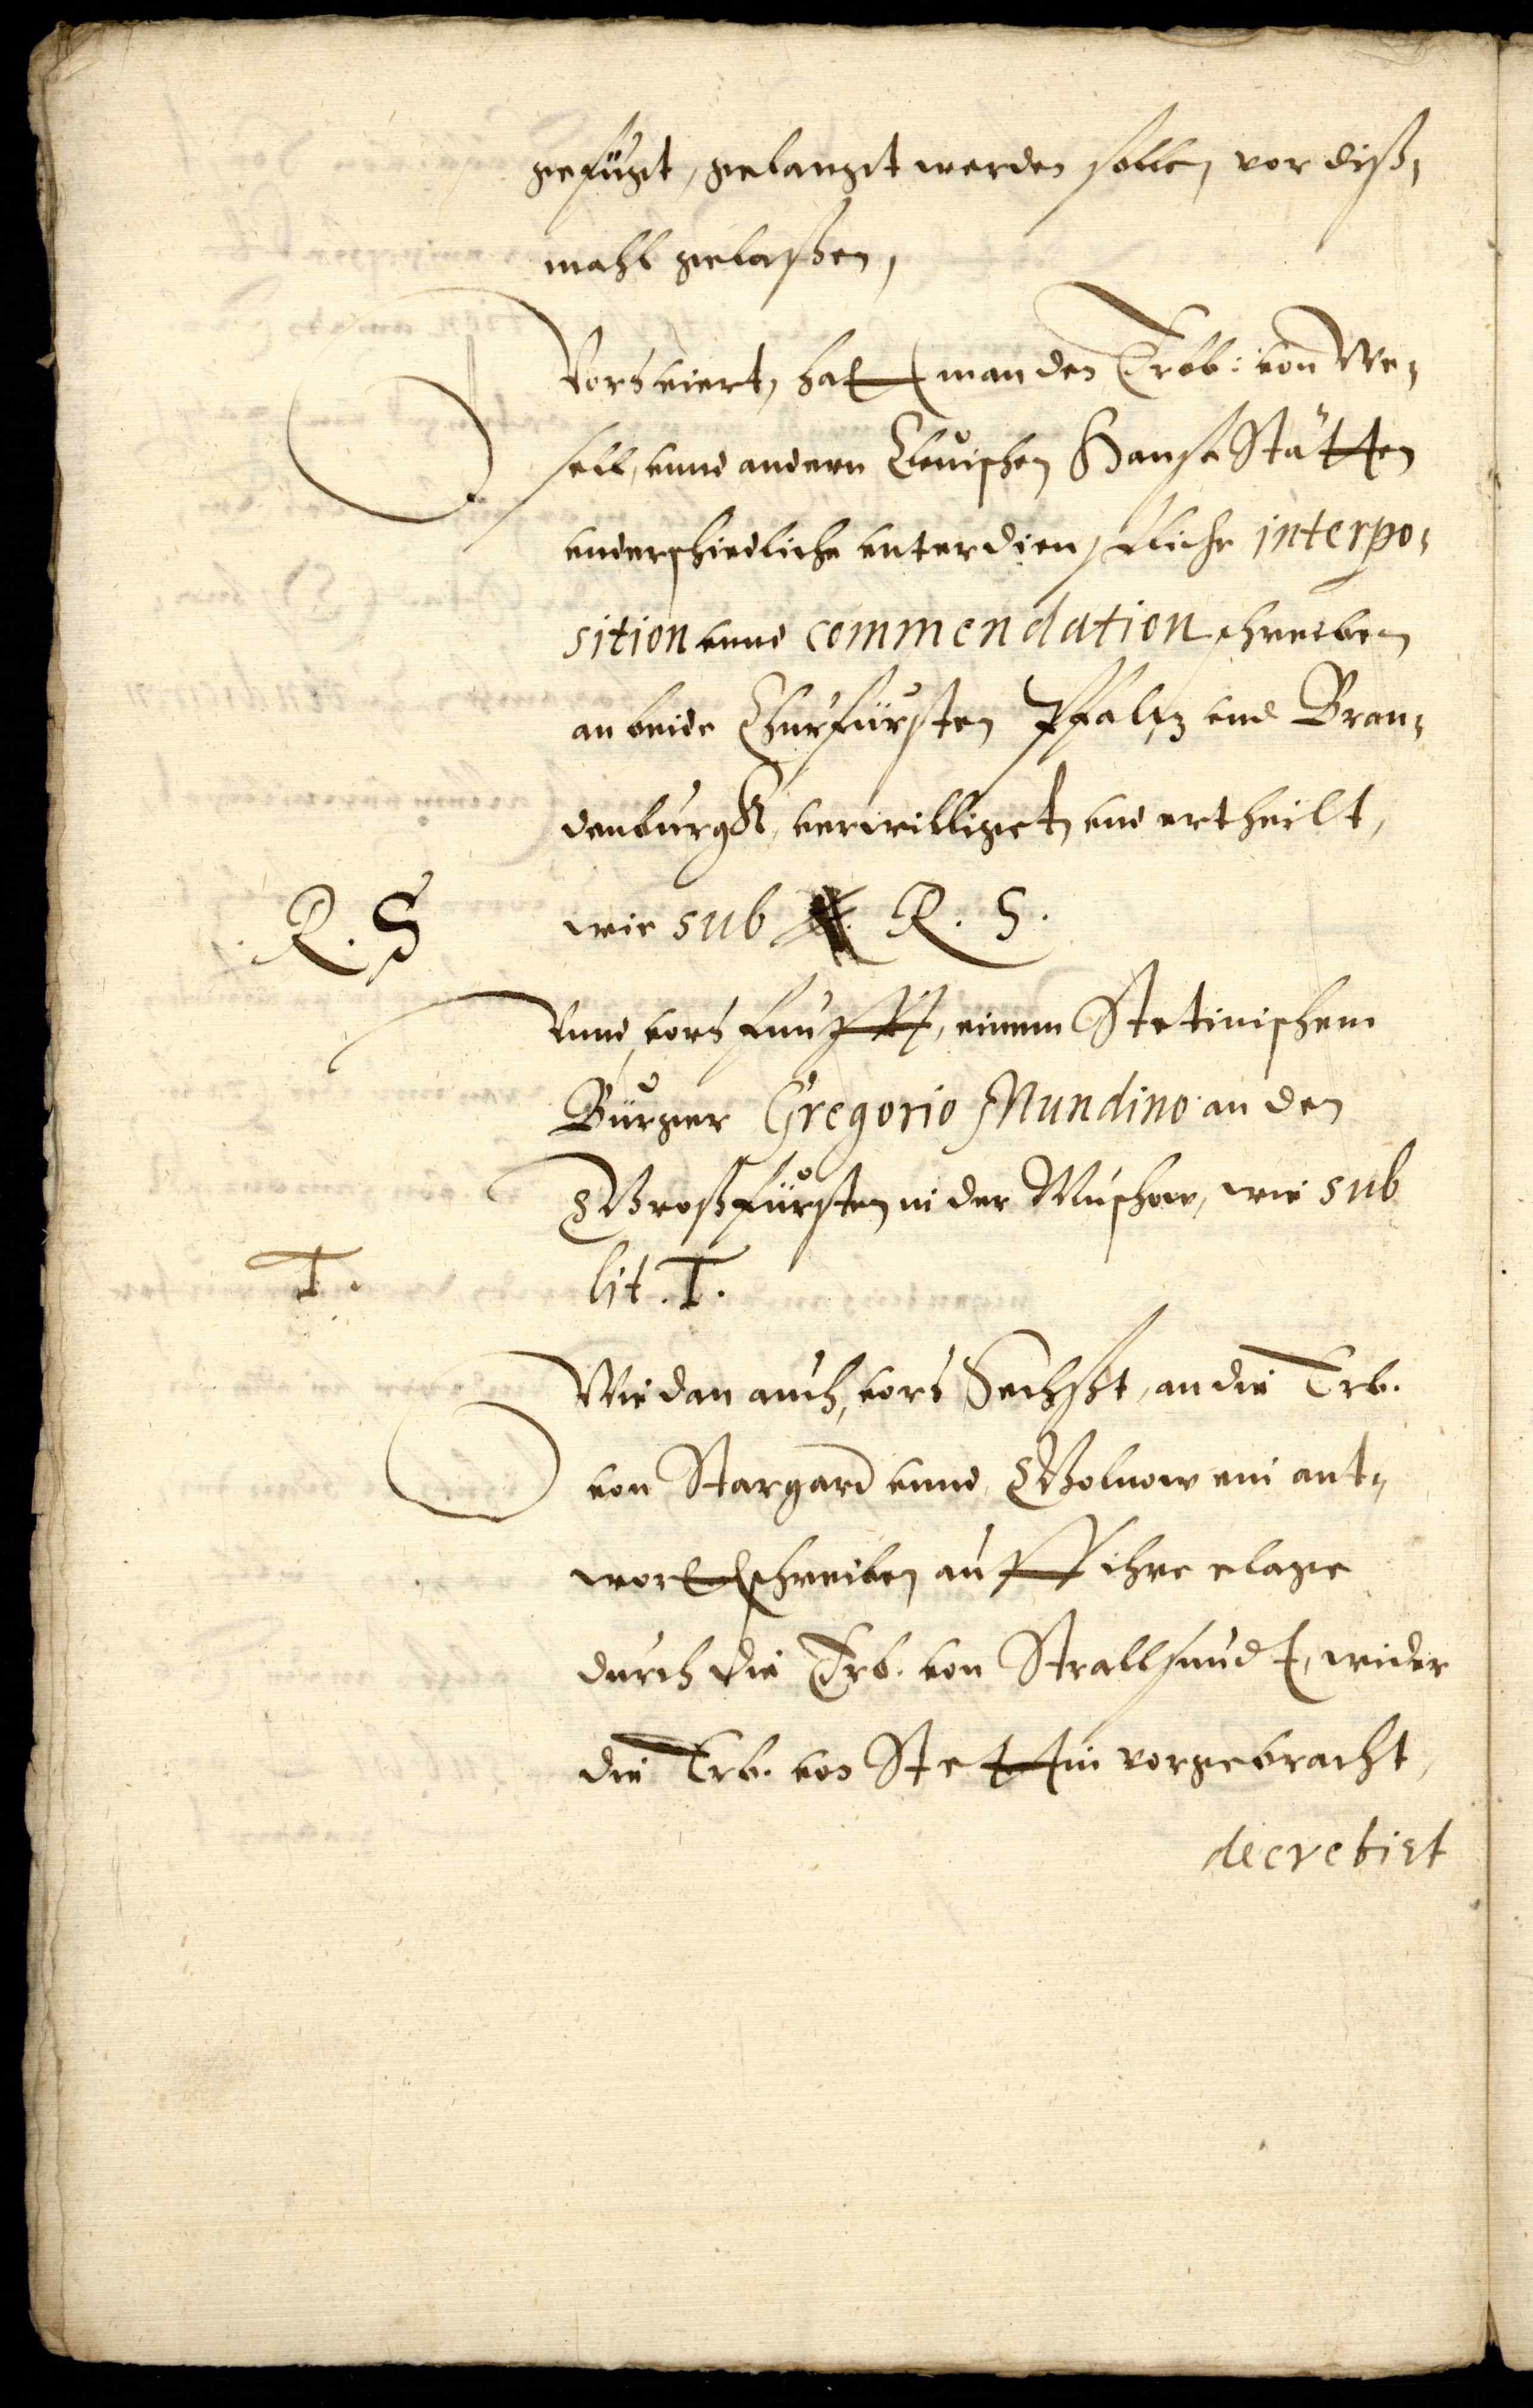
R.S
T.
gefügt, gelangt werden solle, vor diß¬
mahl gelaßen,
Vors viert, hatt man den Erbb: von We¬
sell, vnnd andern Cleuischen HanseStätten
vnderschiedliche vnterdienstliche interpo¬
sition vnnd commendation schreiben
an beide Churfürsten Pfaltz vnd Bran¬
denburgk verwilliget, vnd ertheilt,
wie sub Q. R. S.
Vnd vors funfft, einem Stetinischem
Bürger Gregorio Mundino an den
Großfürsten in der Muschow, wie sub
lit. T.
Wie dan auch, vors Sechßt, an die Erb.
von Stargard vnnd Golnow ein ant¬
worttschreiben auff ihre clage
durch die Erb. von Strallsundt, wider
die Erb. von Stettin vorgebracht
decretirt
